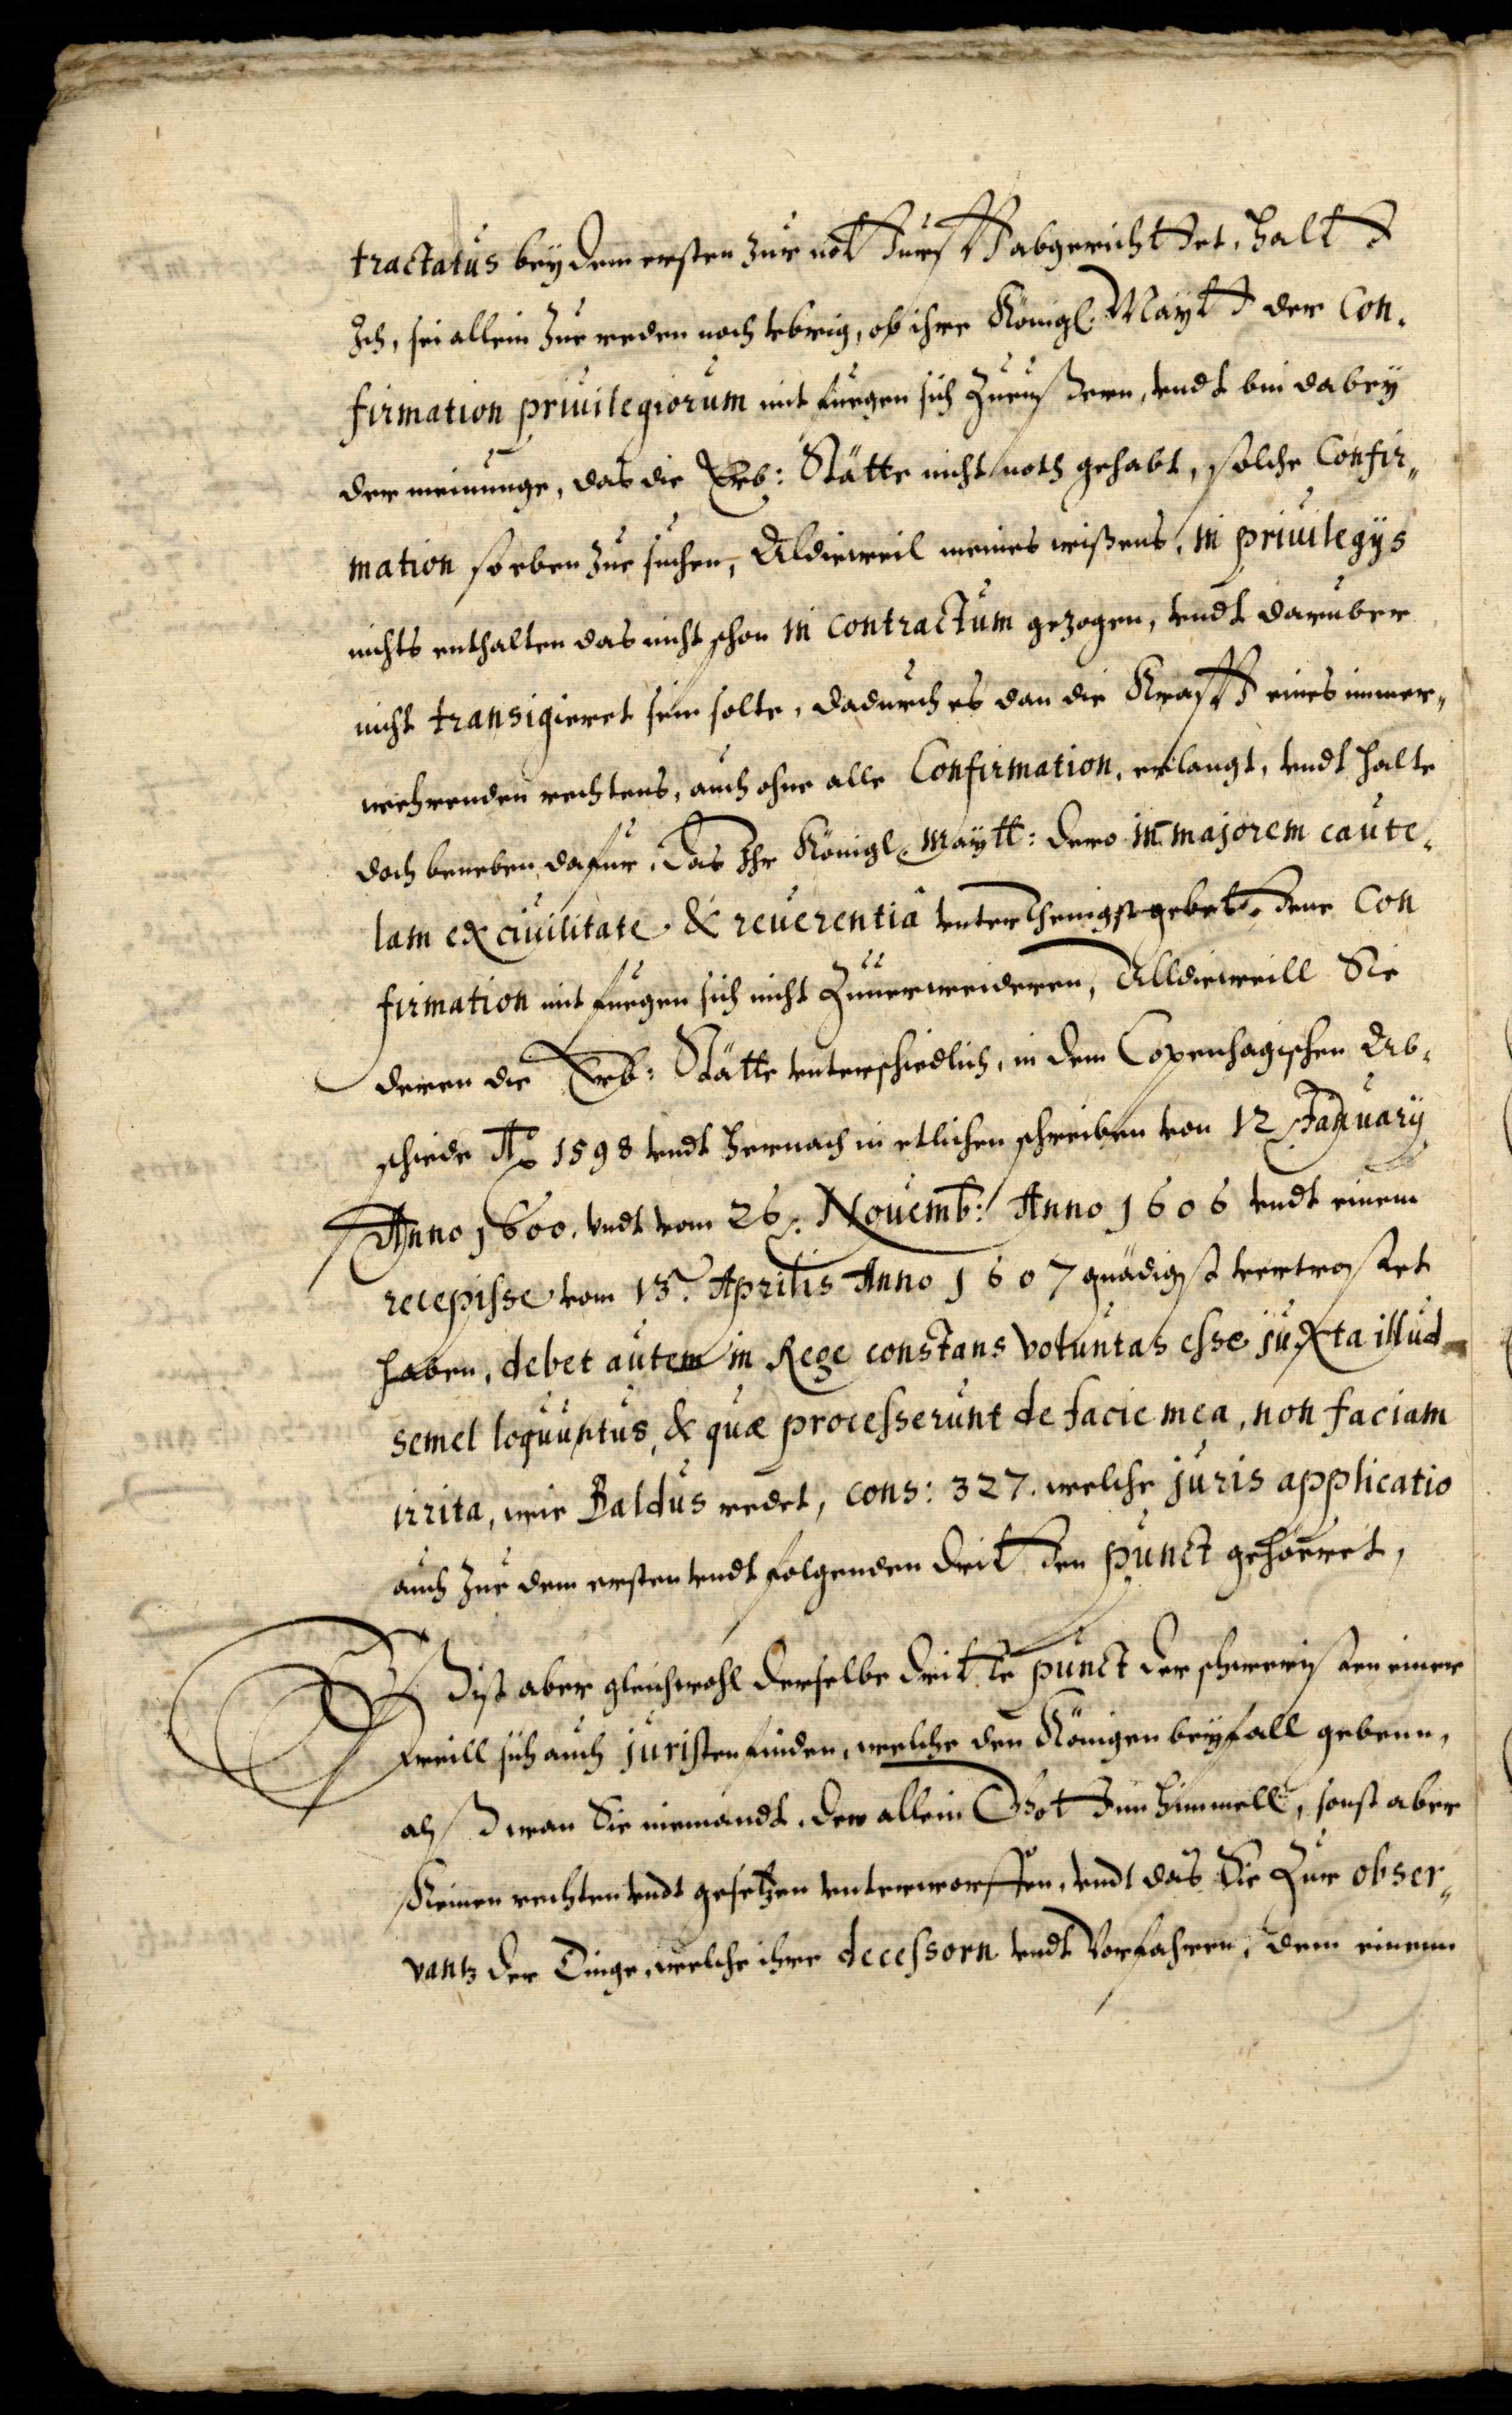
tractatus beij dem ersten zur notturfft abgerichttet, haltt
Ich, sei allein zue reden noch vbrig, ob ihre Königl. Maijtt der Con¬
firmation priuilegiorum mit fuegen sich zueußern, vndt bin dabeij
der meinunge, das die Erb: Stätte nicht noth gehabt, solche Confir¬
mation so eben zue suchen, Aldieweil meines wißens, in priuilegijs
nichts enthalten das nicht schon in contractum gezogen, vndt daruber
nicht transigieret sein solte, dadurch es dan die Krafft eines immer¬
wehrenden rechtens, auch ohne alle Confirmation, erlangt, vndt halte
doch beneben dafur, das Ihr Königl. Maijtt: dero in majorem caute¬
lam ex ciuilitate & reuerentia vnterthenigst gebettene Con¬
firmation mit fuegen sich nicht zuuerweideren, Alldieweill Sie
deren die Erb: Stätte vnterschiedlich, in dem Copenhagischen Ab¬
schiede Ao p 1598 vndt hernach in etlichen schreiben von 12. Januarij
Anno 1600, vndt vom 26. Novemb: Anno 1606 vndt einem
recepisse vom 13. Aprilis Anno 1607 gnädigst vertrostet
haben, debet autem in Rege constans voluntas esse juxta illud
semel loquuntus & quae processerunt de facie mea, non faciam
irrita, wie Baldus redet, cons: 327. welche juris applicatio
auch zue dem ersten vndt folgenden dritten punct gehoeret,
Eß ist aber gleichwohl derselbe dritte punct der schweristen einer
weill sich auch juristen finden, welche den Königen beijfall gebenn,
alß wan Sie niemandt, der allein Gott im Himmell, sonst aber
Keinen rechten vndt gesetzen vnterworffen, vndt das Sie zur obser¬
vantz der Dinge, welche ihre decessorn vndt Vorfahren, dem einenn
